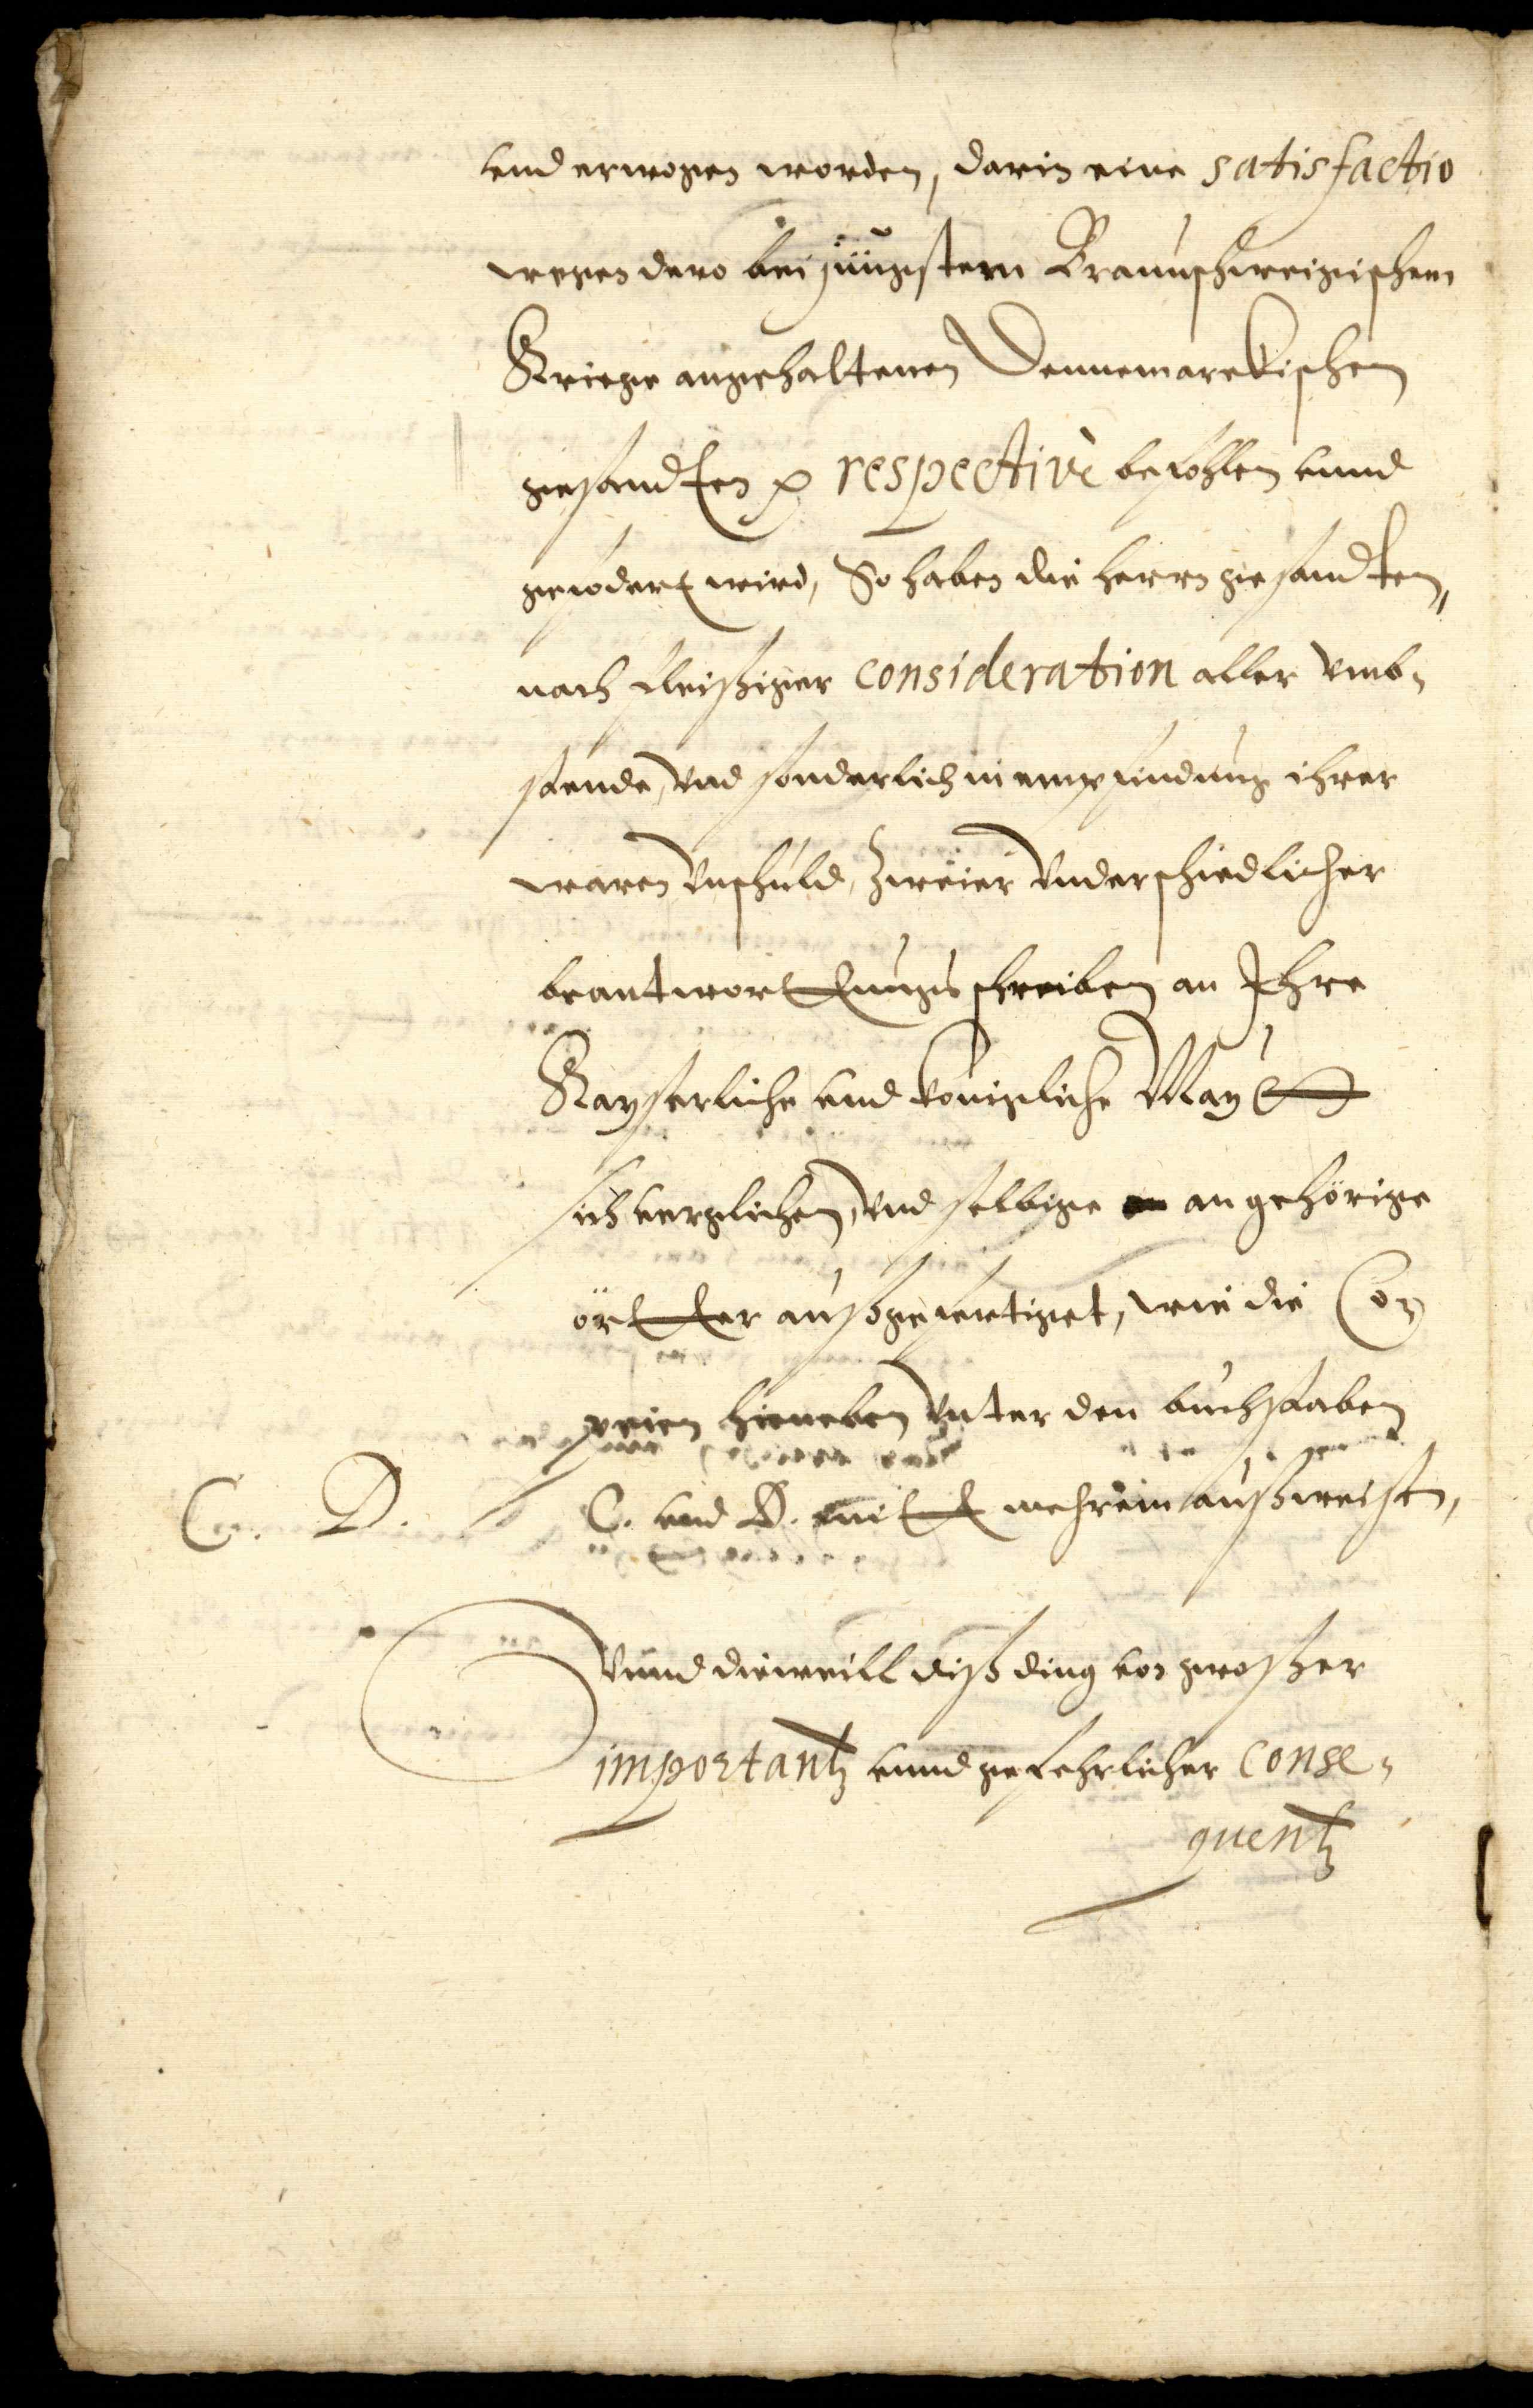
C. D.
vnd erwogen worden, darin eine satisfactio
wegen dero bei jüngstem Braunschweigischem
Kriege angehaltenen Dennemarckischen
gesandten p respective befohlen vnnd
gefordert wird, So haben die herrn gesandten,
nach fleißiger consideration aller vmb¬
stende, vnd sonderlich in empfindung ihrer
waren Vnschuld, Zweier Vnderschiedlicher
beantworttungsschreiben an Ihre
Kayserliche vnd konigliche Maytt
sich verglichen, Vnd selbige an an gehörige
örtter außgefertiget, wie die Co¬
peien hieneben Vnter den buchstaben
C. vnd D. mitt mehrem außweisen,
Vnnd dieweill diß ding von großer
importantz vnnd gefehrlicher Conse¬
quentz
